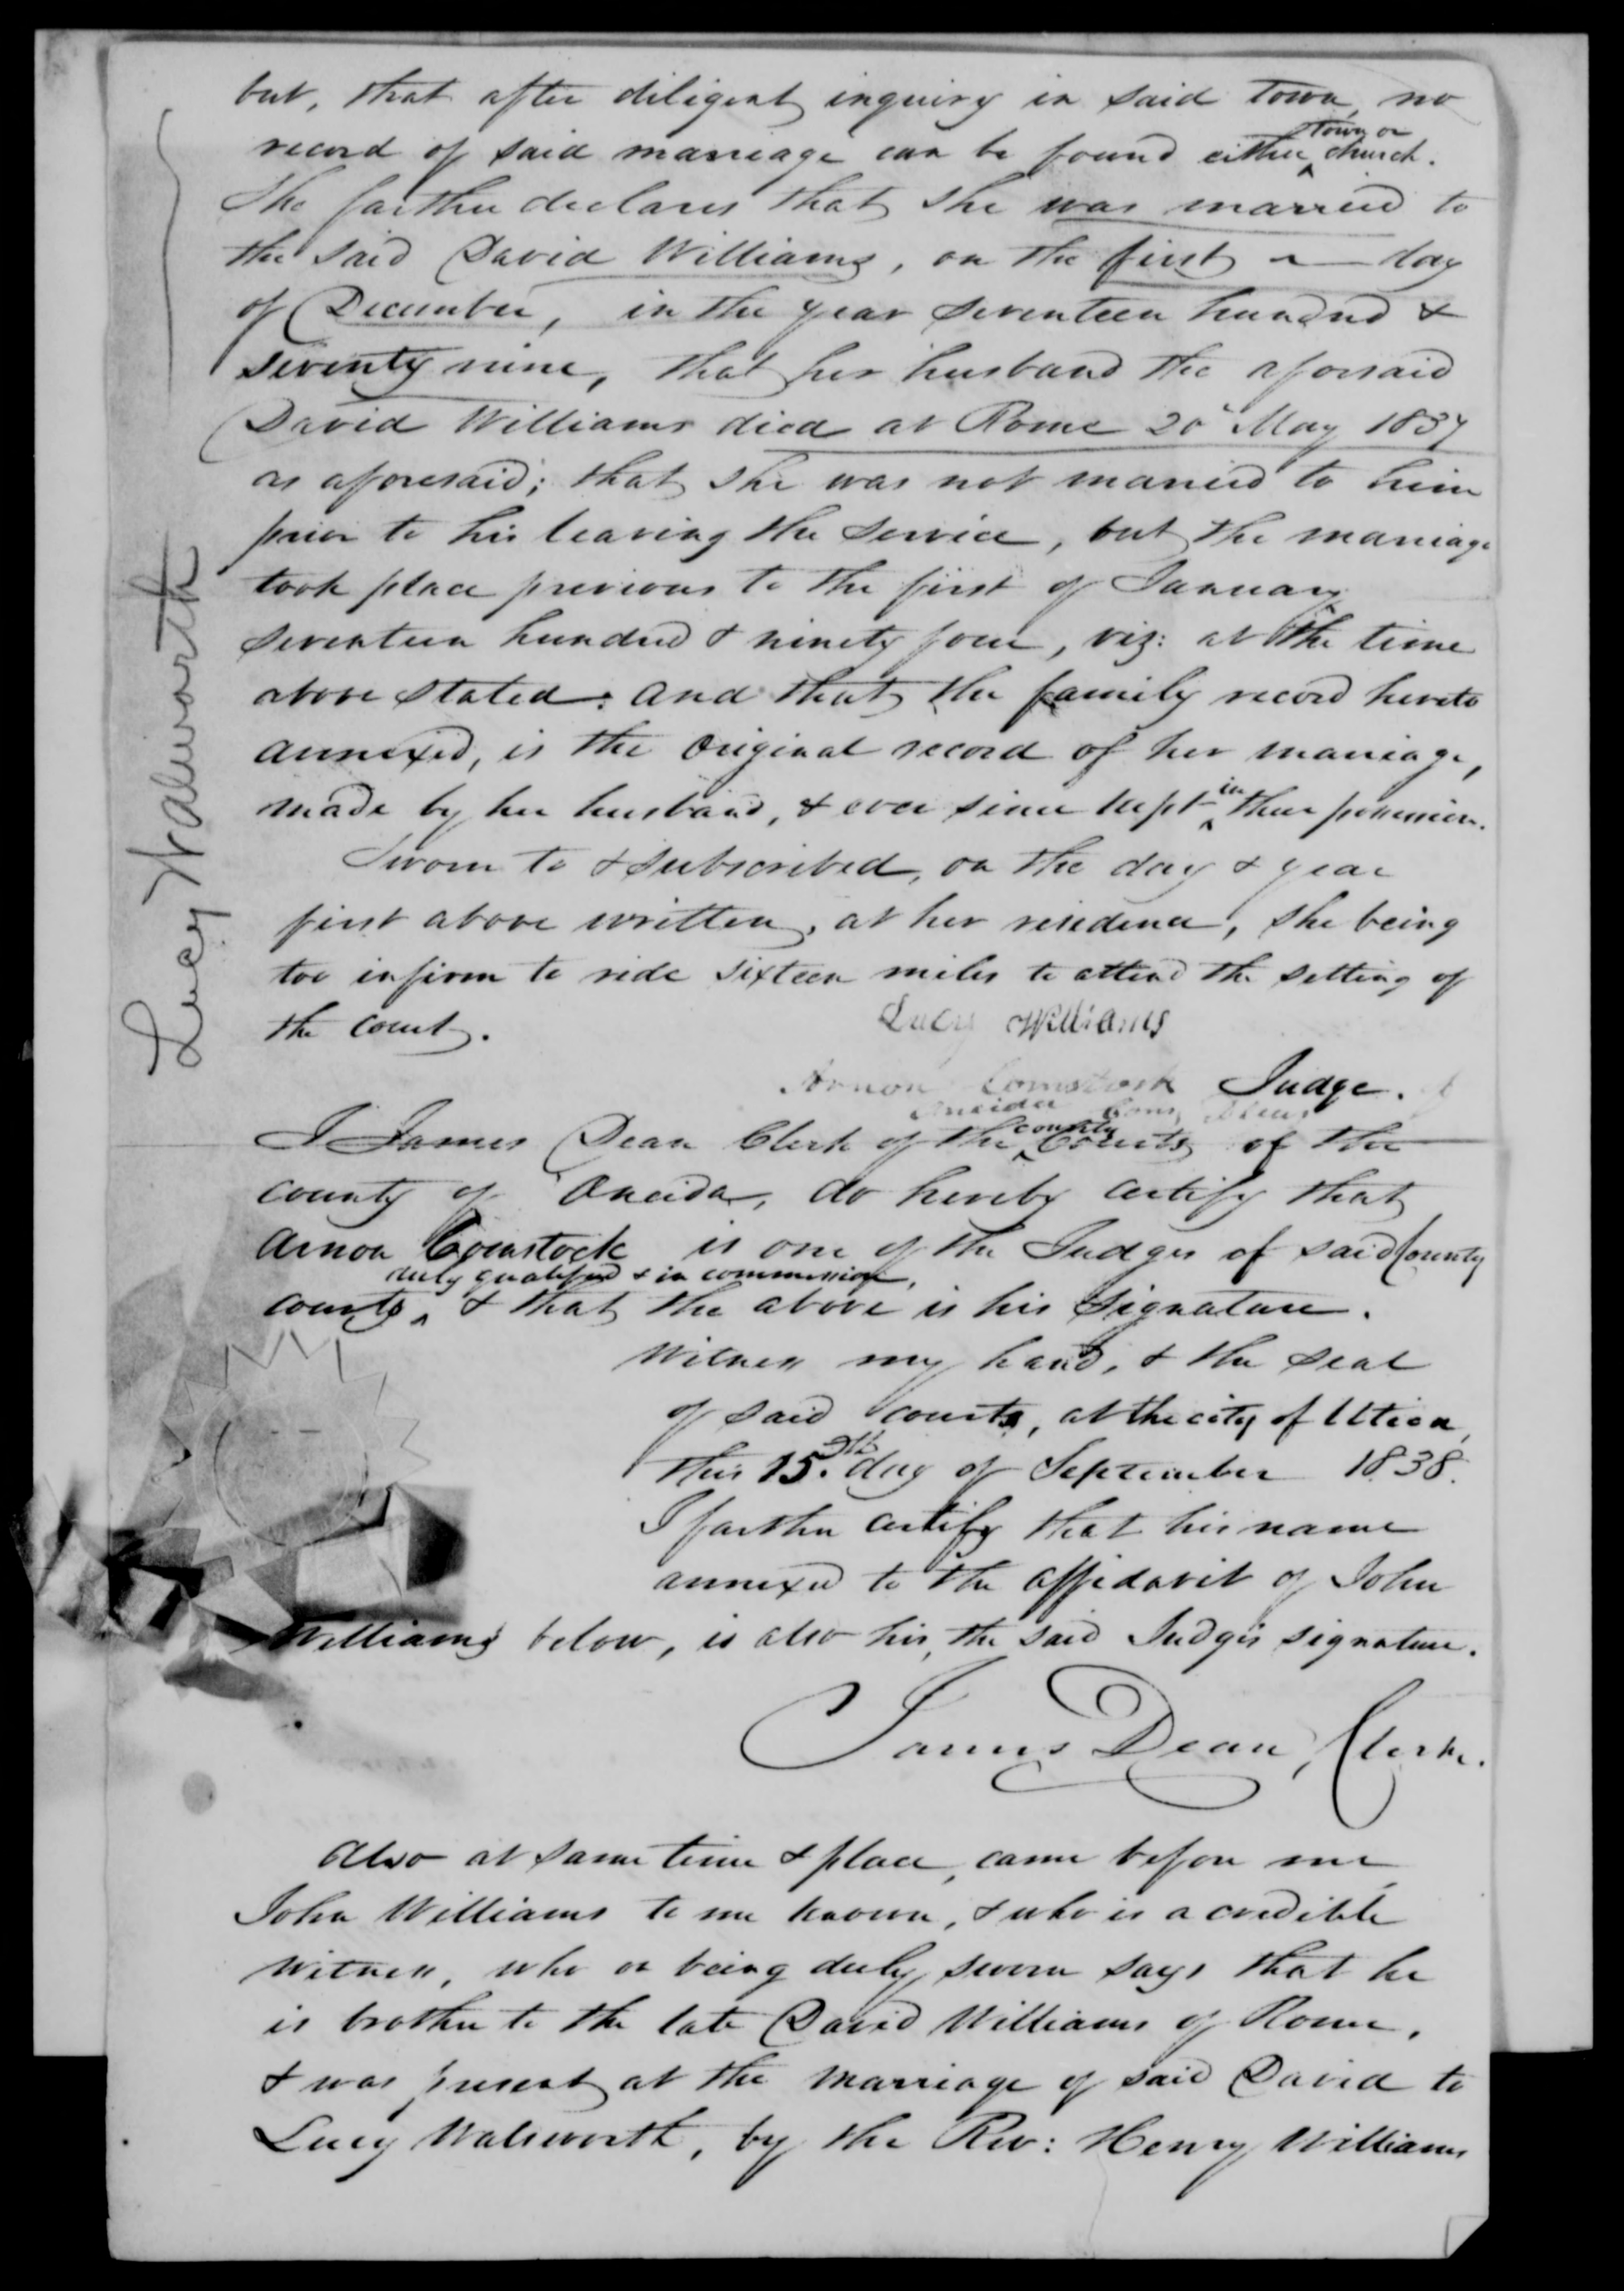but, that after diligently inquiring in said town, no record of said marriage can be found either town or church. She farther declares that she was married to the said David Williams, on the first day of December in the year seventeen hundred & seventy nine, that her husband the aforesaid David Williams died at Rome 20 May 1837 as aforesaid; that she was not married to him prior to his leaving the service, but the marriage took place previous to the first of January seventeen hundred & ninety four, viz: at the time above stated, and that her family record hereto annexed, is the original record of her marriage, made by her husband & ever since kept in their possession.  
Sworn to & subscribed, on the day & year first above written, at her residence, she being too infirm to ride sixteen miles to attend the setting of the court.  Lucy Williams
Aaron Comstock Judge Oneida County
I James Dean Clerk in the county court of the county of Oneida, do hereby certify that Aaron Comstock is one of the Judges of said county court, duly qualified & in commission & that the above is his signature.
Witness my hand & the seal of said courts, at the city of Utica this 15th day of September 1838. I farther certify that his name annexed to the affidavit of John Williams below is also his the said Judge's signature
James Dean, Clerk.
Also at same time & place, came before me John Williams to me known & who is a credible witness, who as being duly sworn says that he is brother to the late David Williams of Rome, & was present at the marriage of said David to Lucy  Walworth, by the rev. Henry Williams.
(side margin) Lucy Walworth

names: John Williams, Lucy Williams, Lucy Walworth, Henry Williams, Lucy Walsworth, David Williams, Arnon Comstock, James Dean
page: 18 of 63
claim: widow's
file: W. 22,632, David Williams, Conn. Continental Privateer